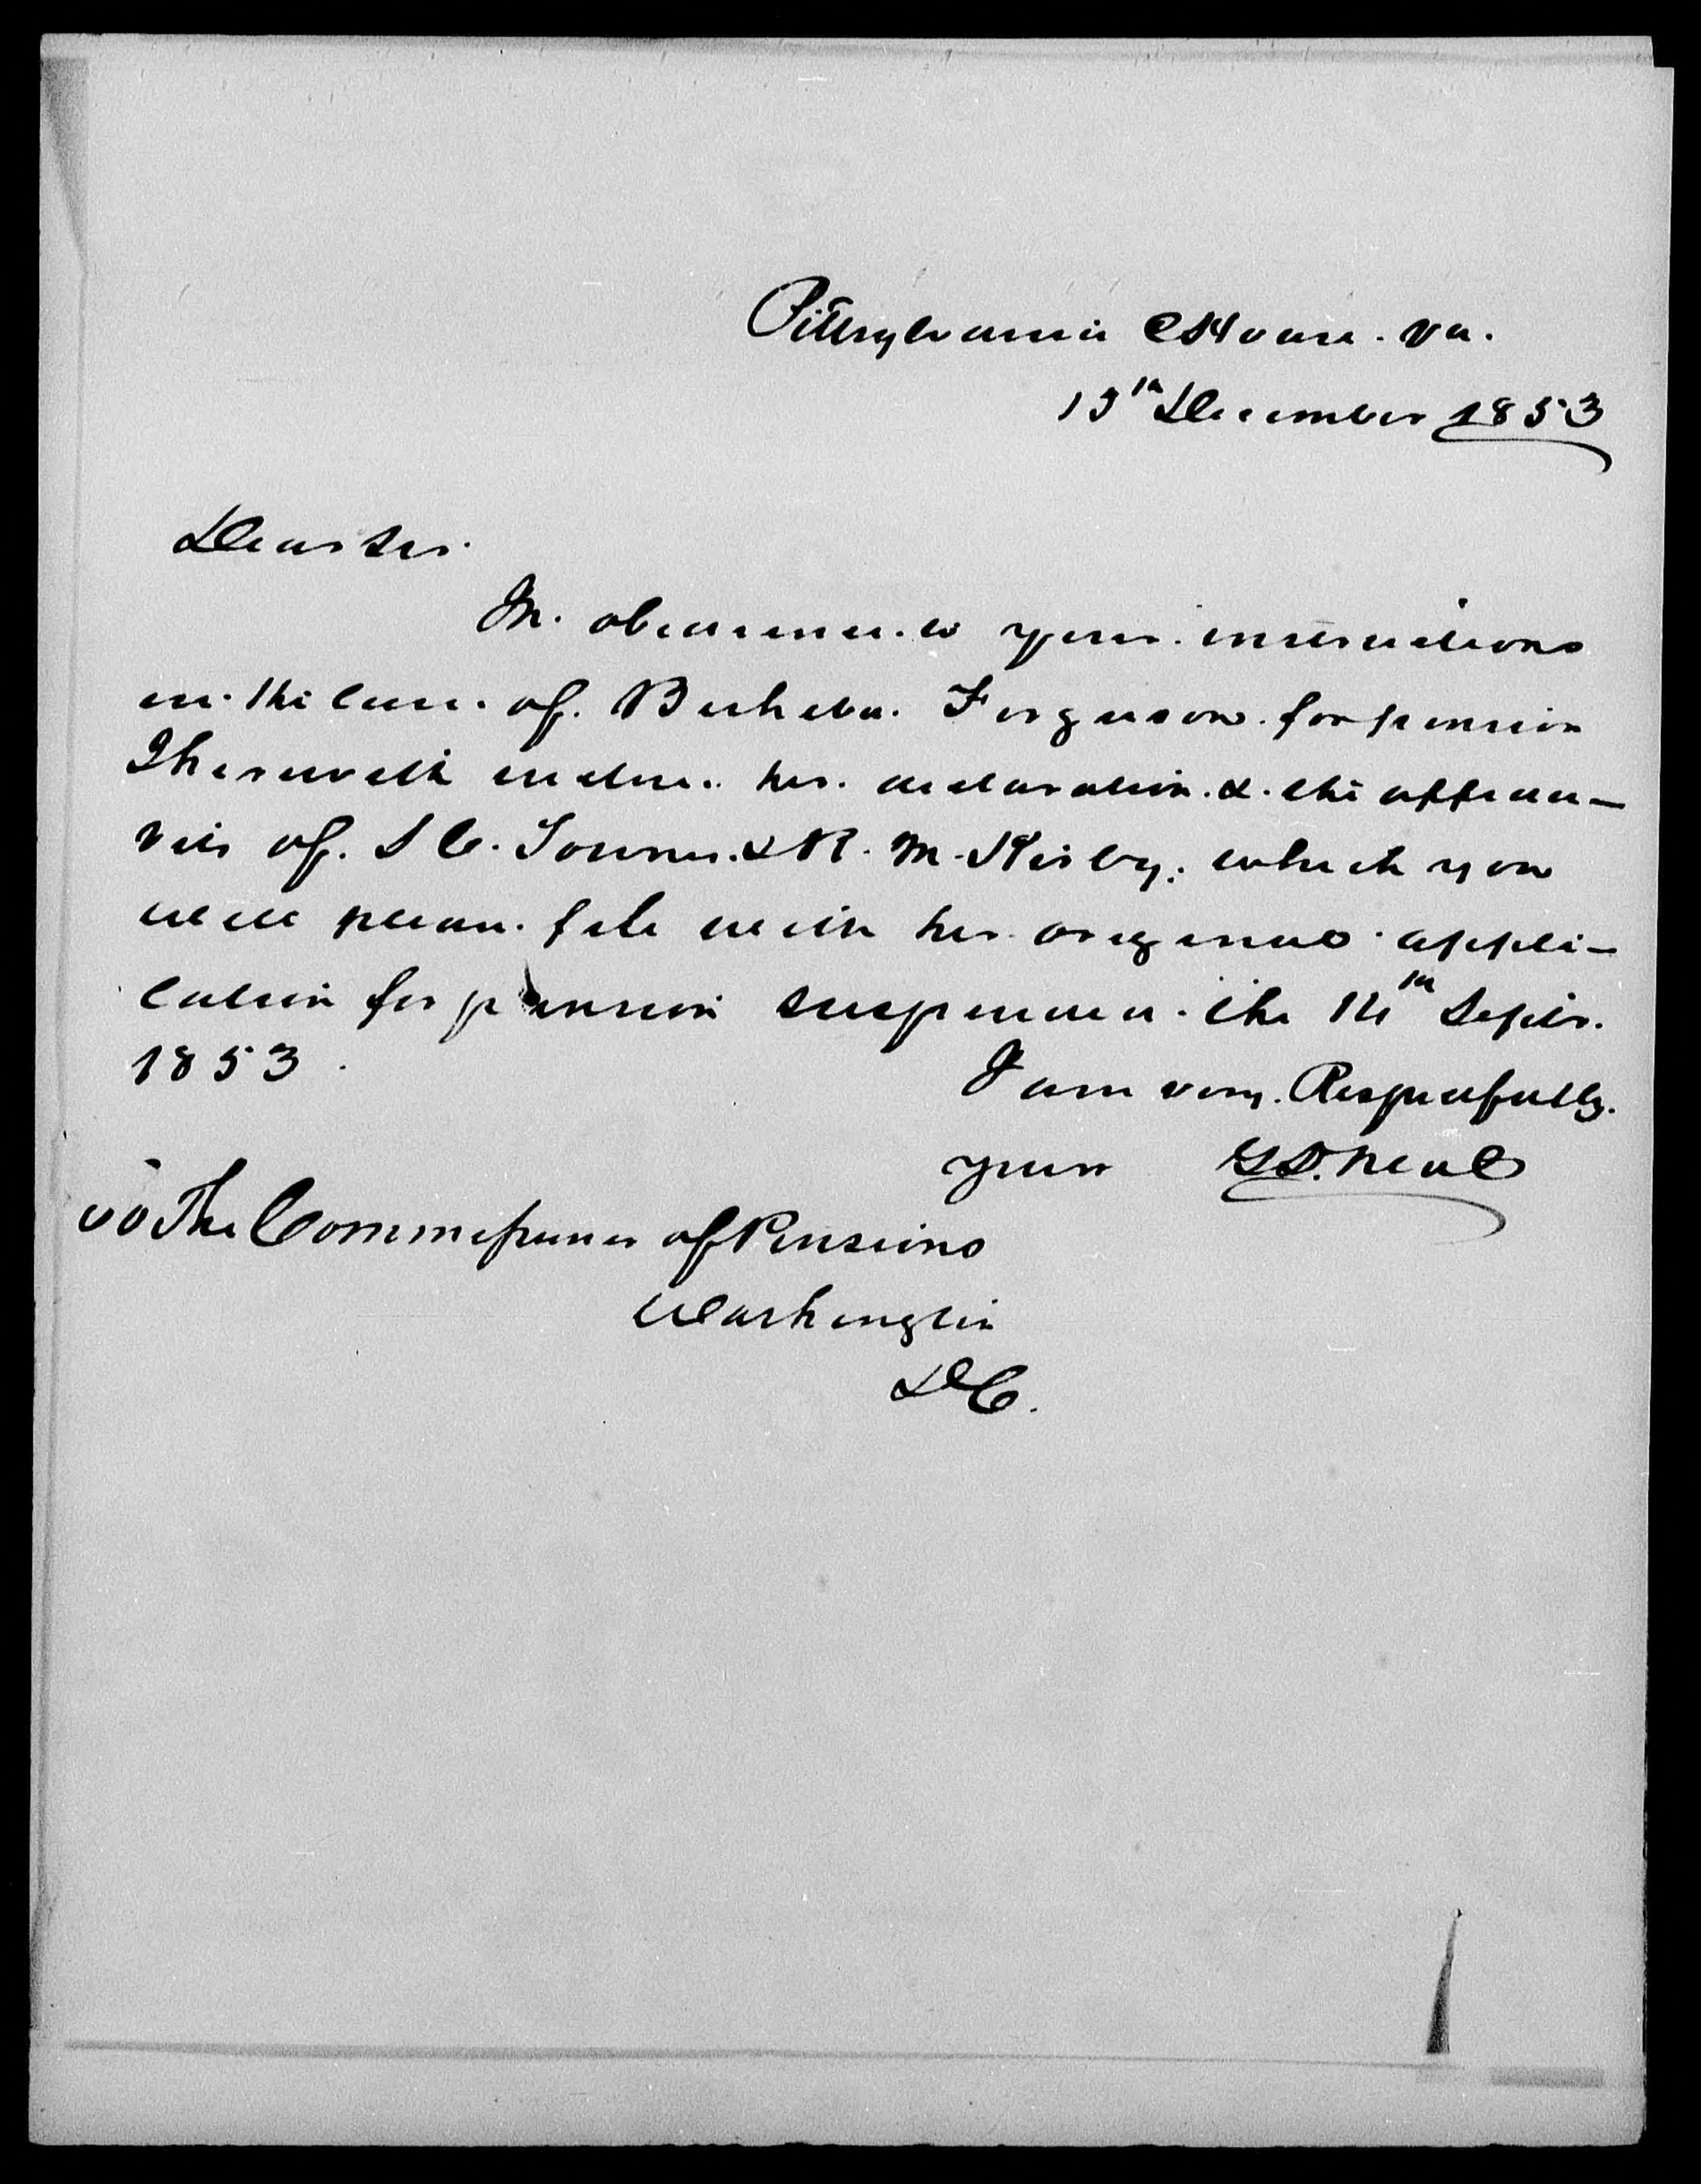Pittsylvania CHouse, Va [Virginia]
15th December 1853
Dear Sir
In obedience to your insertions
in the case of Besheba Ferguson for pension.
Herewith under her declaration & the appearance [illegible]  of S. C. Townes & R. M. Kirby, which you
will please file in her original application for pension suspense the 16th Sept
1853
I am very Respectfully yours
J D 
To The Commissioner of Pensions
Washington
D C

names: R M Kirby, Besheba Ferguson, G D Neal, S C Townes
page: 63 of 81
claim: widow's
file: W. 7262, Robert Ferguson, Va.